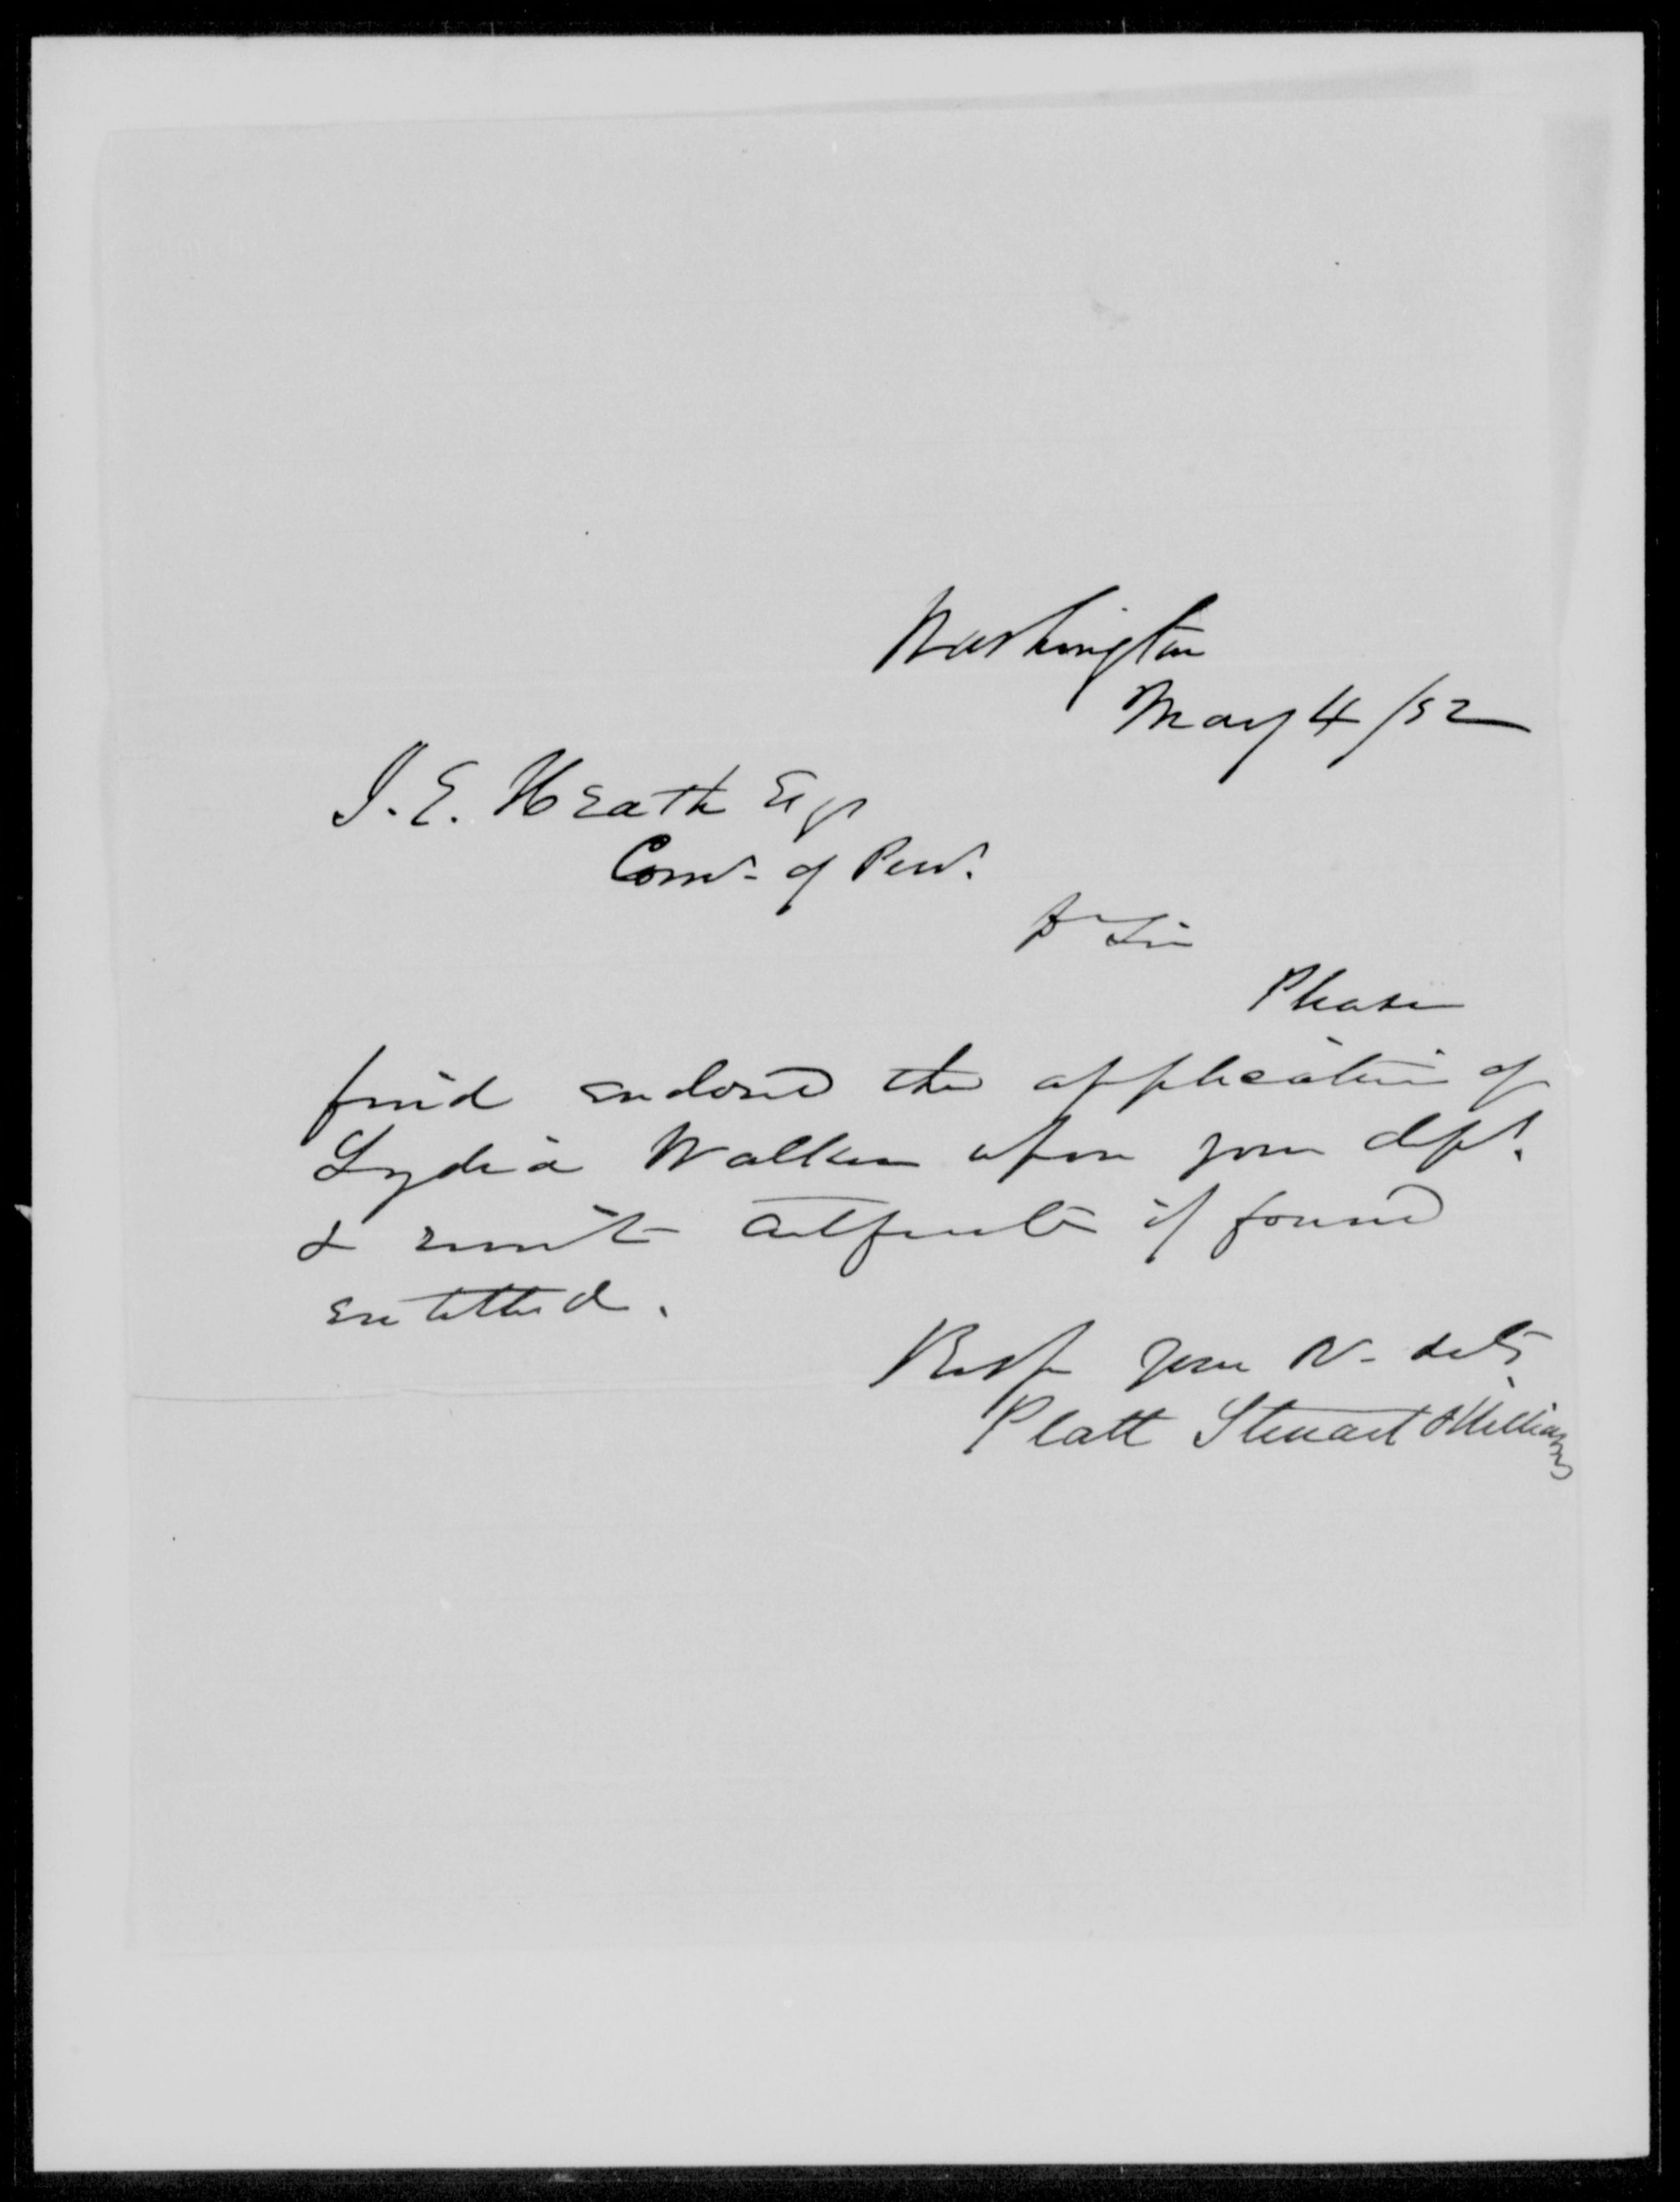Washington
May 4, 1852
J. E. Heath Esq
Commissioner of Pensions
Dear sir,
Please find enclosed the application of Lydia Walker upon you Department and write back the applicant if found. 
Respectfully yours, your obedient servant, 
Platt Stewart [Illegible]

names: J E Heath, Lydia Walker, Williams, Platt Steuart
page: 28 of 37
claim: rejected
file: R. 11047, David Walker, N.C.